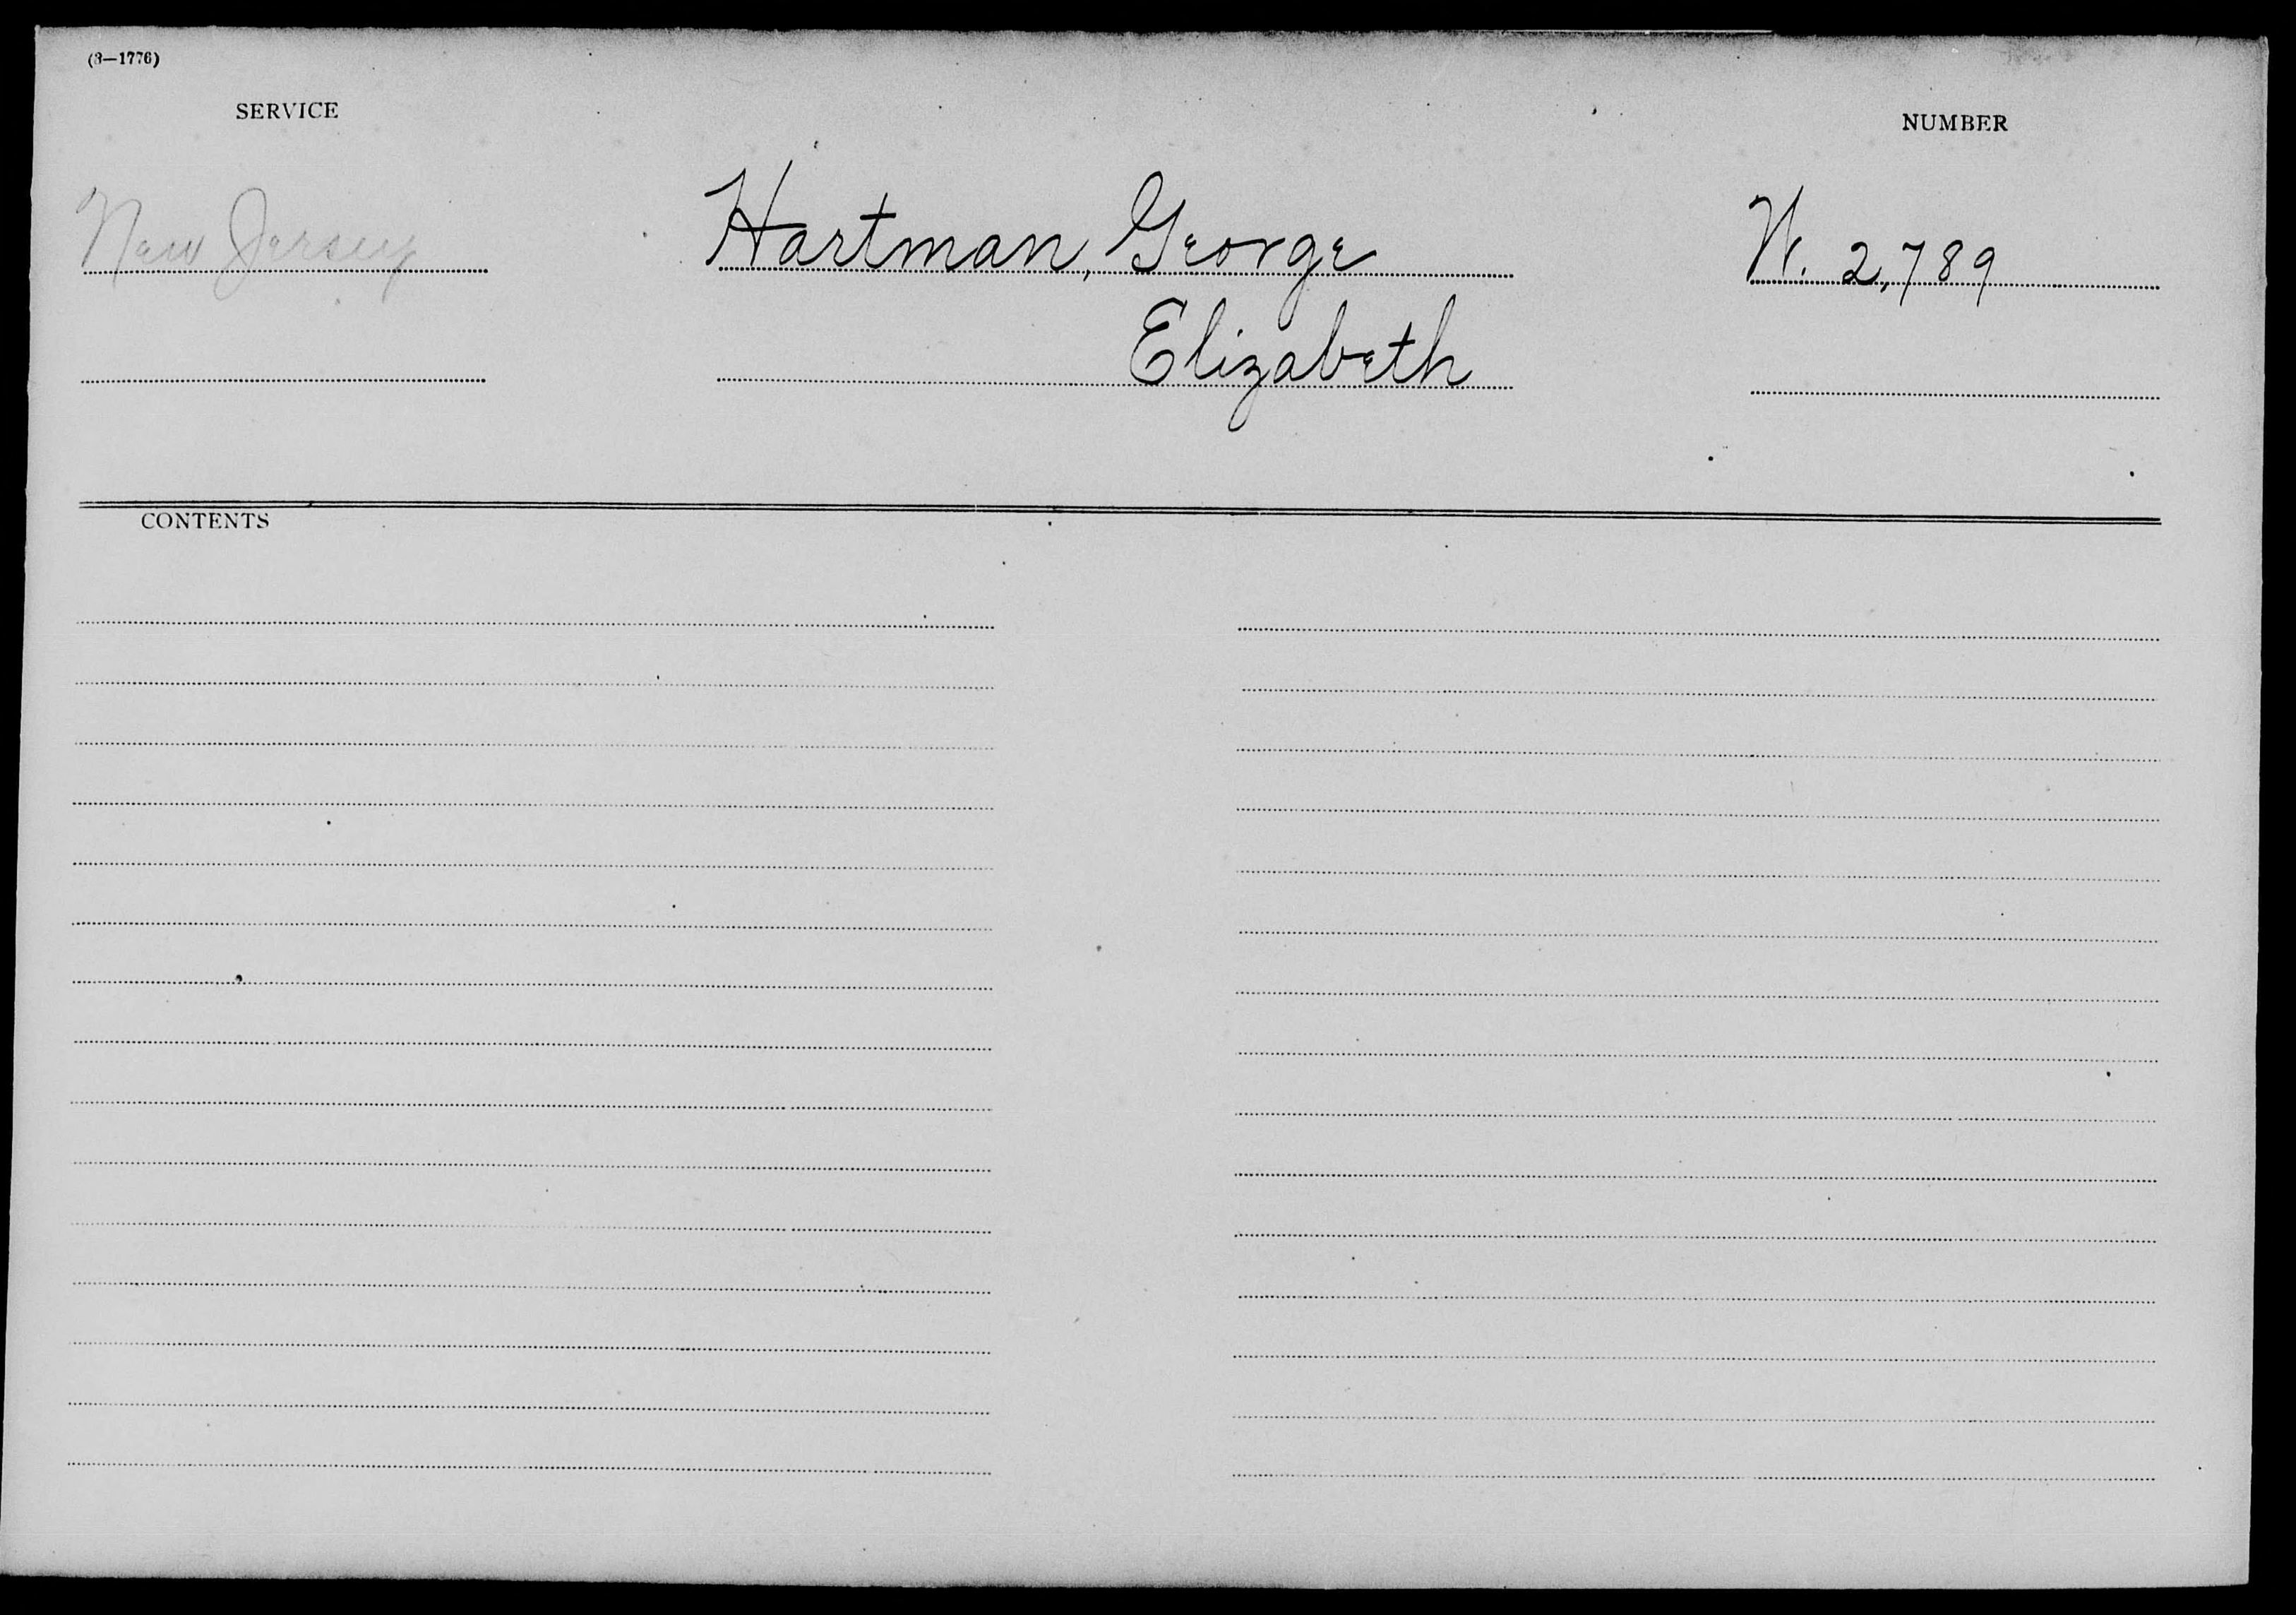(3-1776)

SERVICE
New Jersey

Hartman, George
Elizabeth

NUMBER
W. 2,789

CONTENTS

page: 1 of 29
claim: widow's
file: W. 2,789, George Hartman, New Jersey